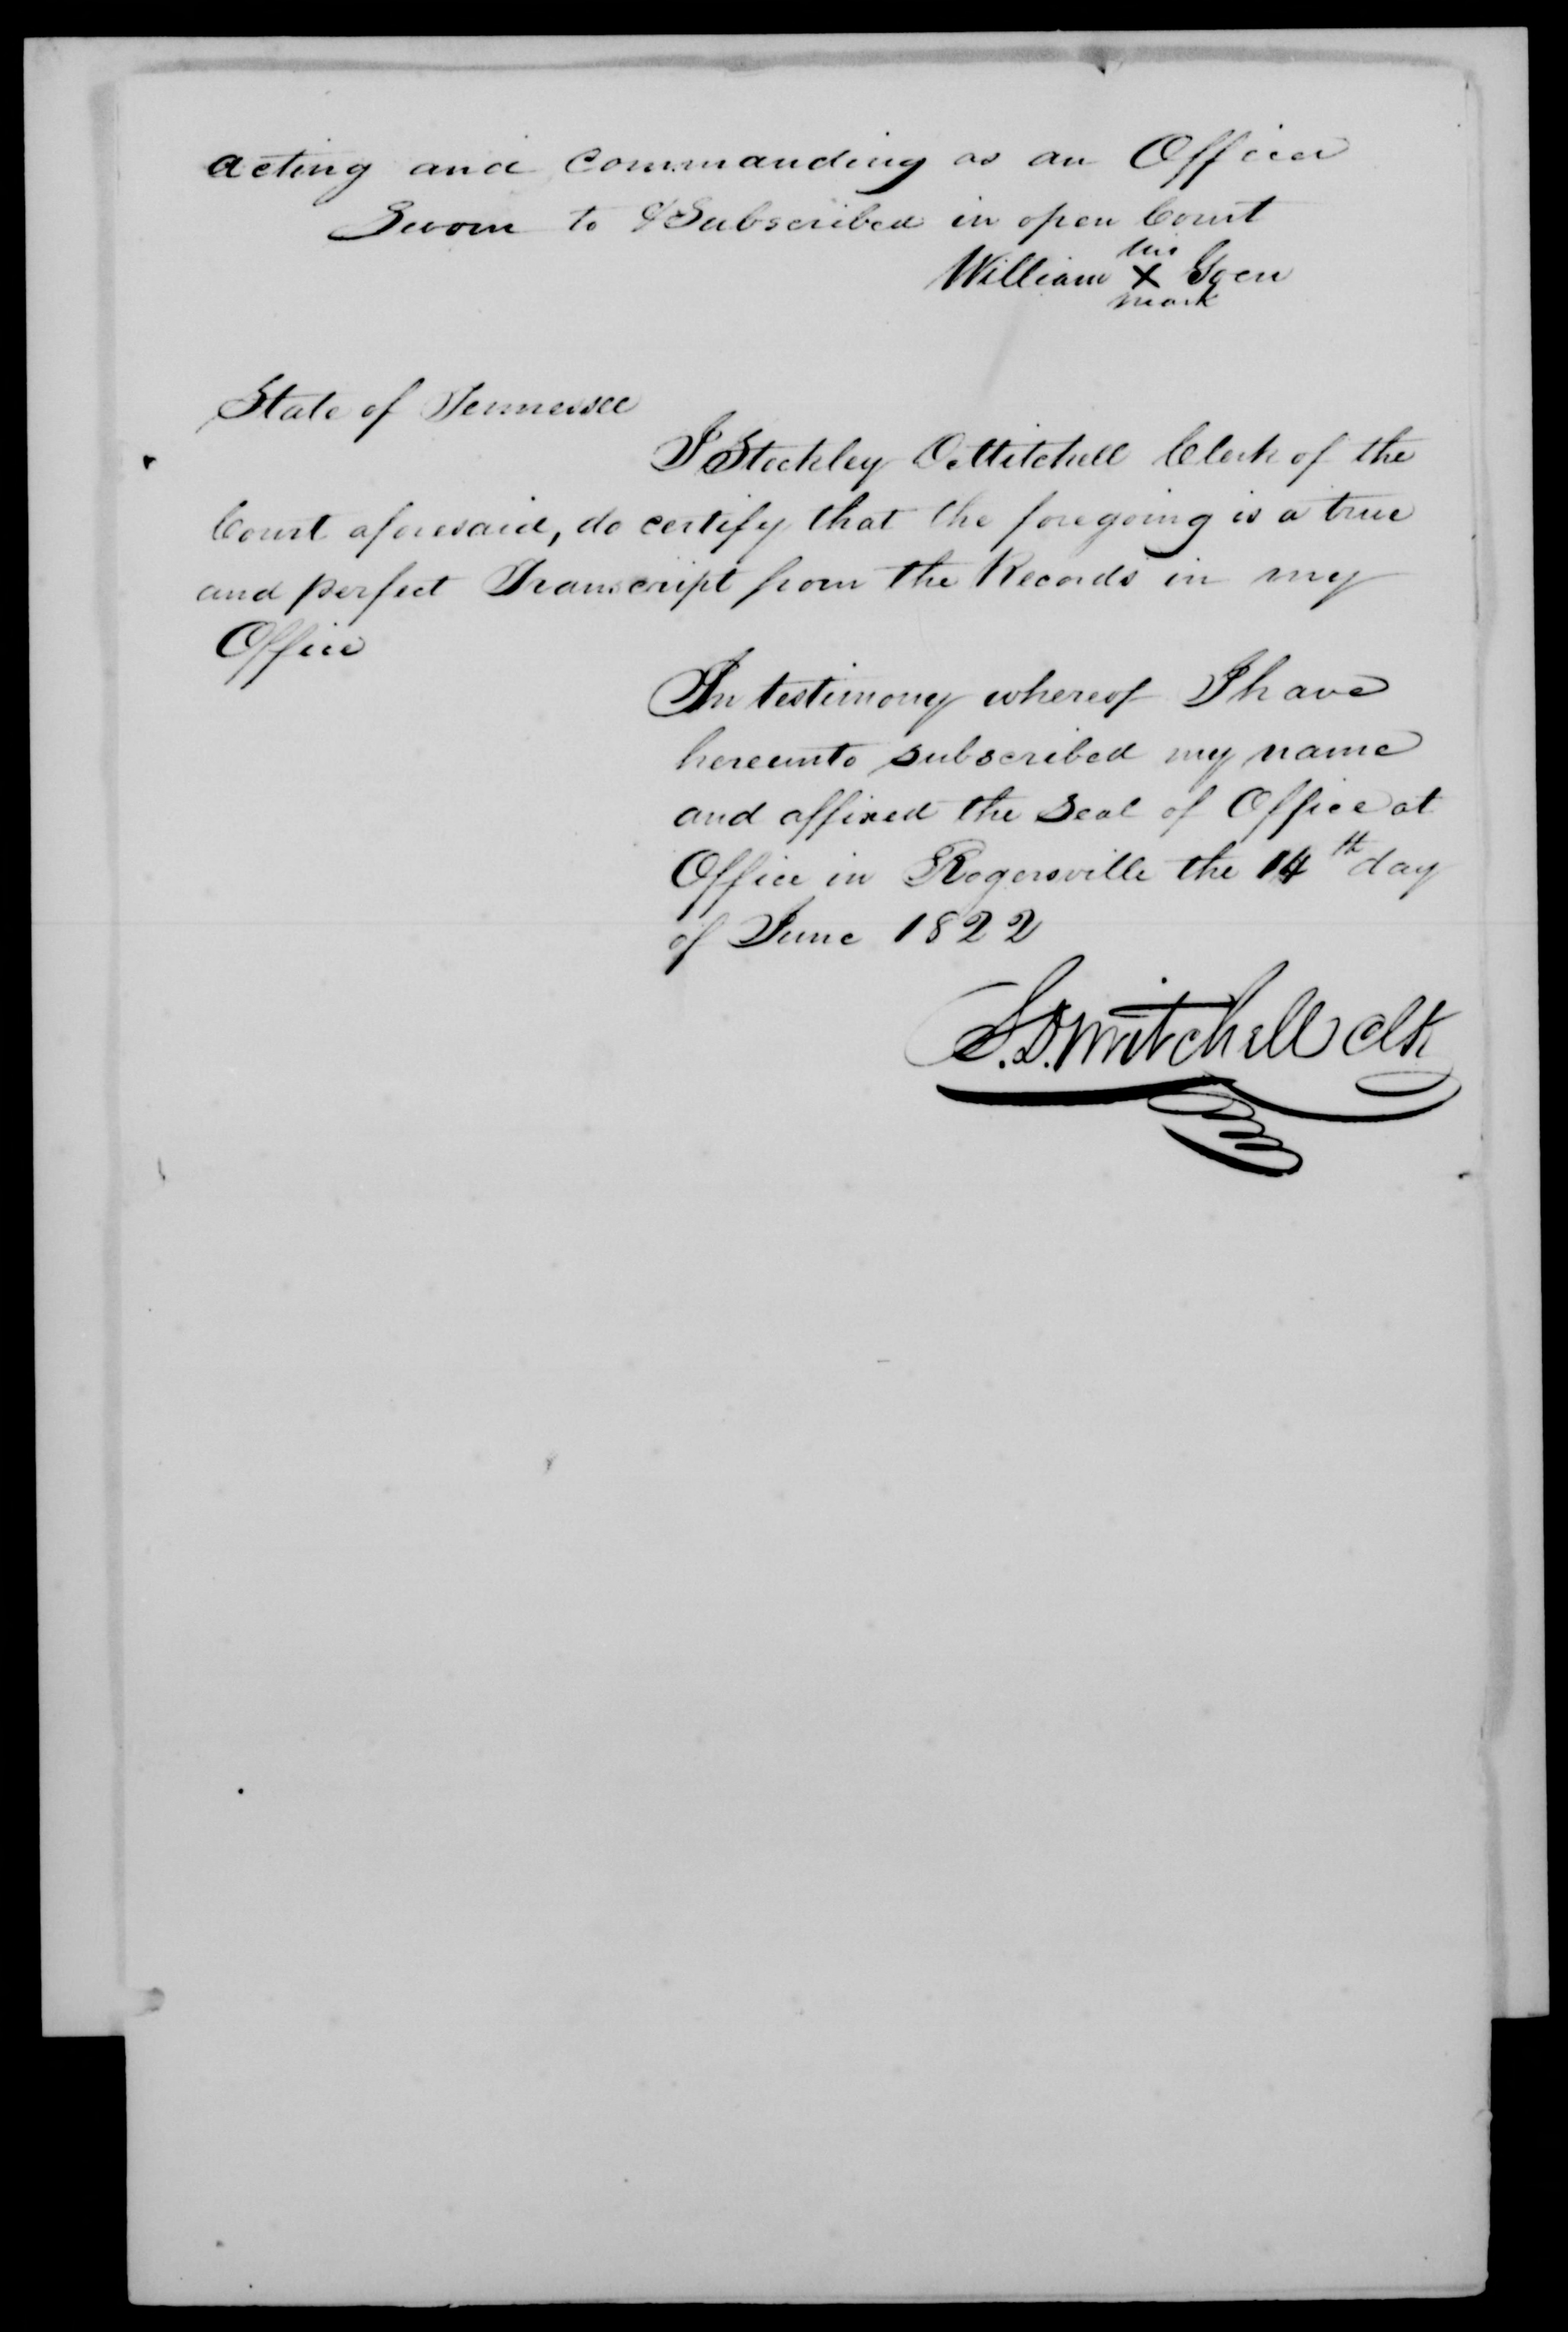Acting and commanding as an Officer
Sworn to & Subscribed in open Court

William his X mark Goen
State of Tennessee
I Stuckley D. Mitchell Clerk of the
Court aforesaid, do certify that the foregoing is a true
and perfect transcript from the Records in my
Office
In testimony whereof I have
hereunto subscribed my name
and affixed the seal of Office at
Office in Rogersville the 14th day
of June 1822

S. D. Mitchell Clk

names: William Goen; S D Mitchell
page: 48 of 79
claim: widow's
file: W. 1504, for Robert Smith, North Carolina